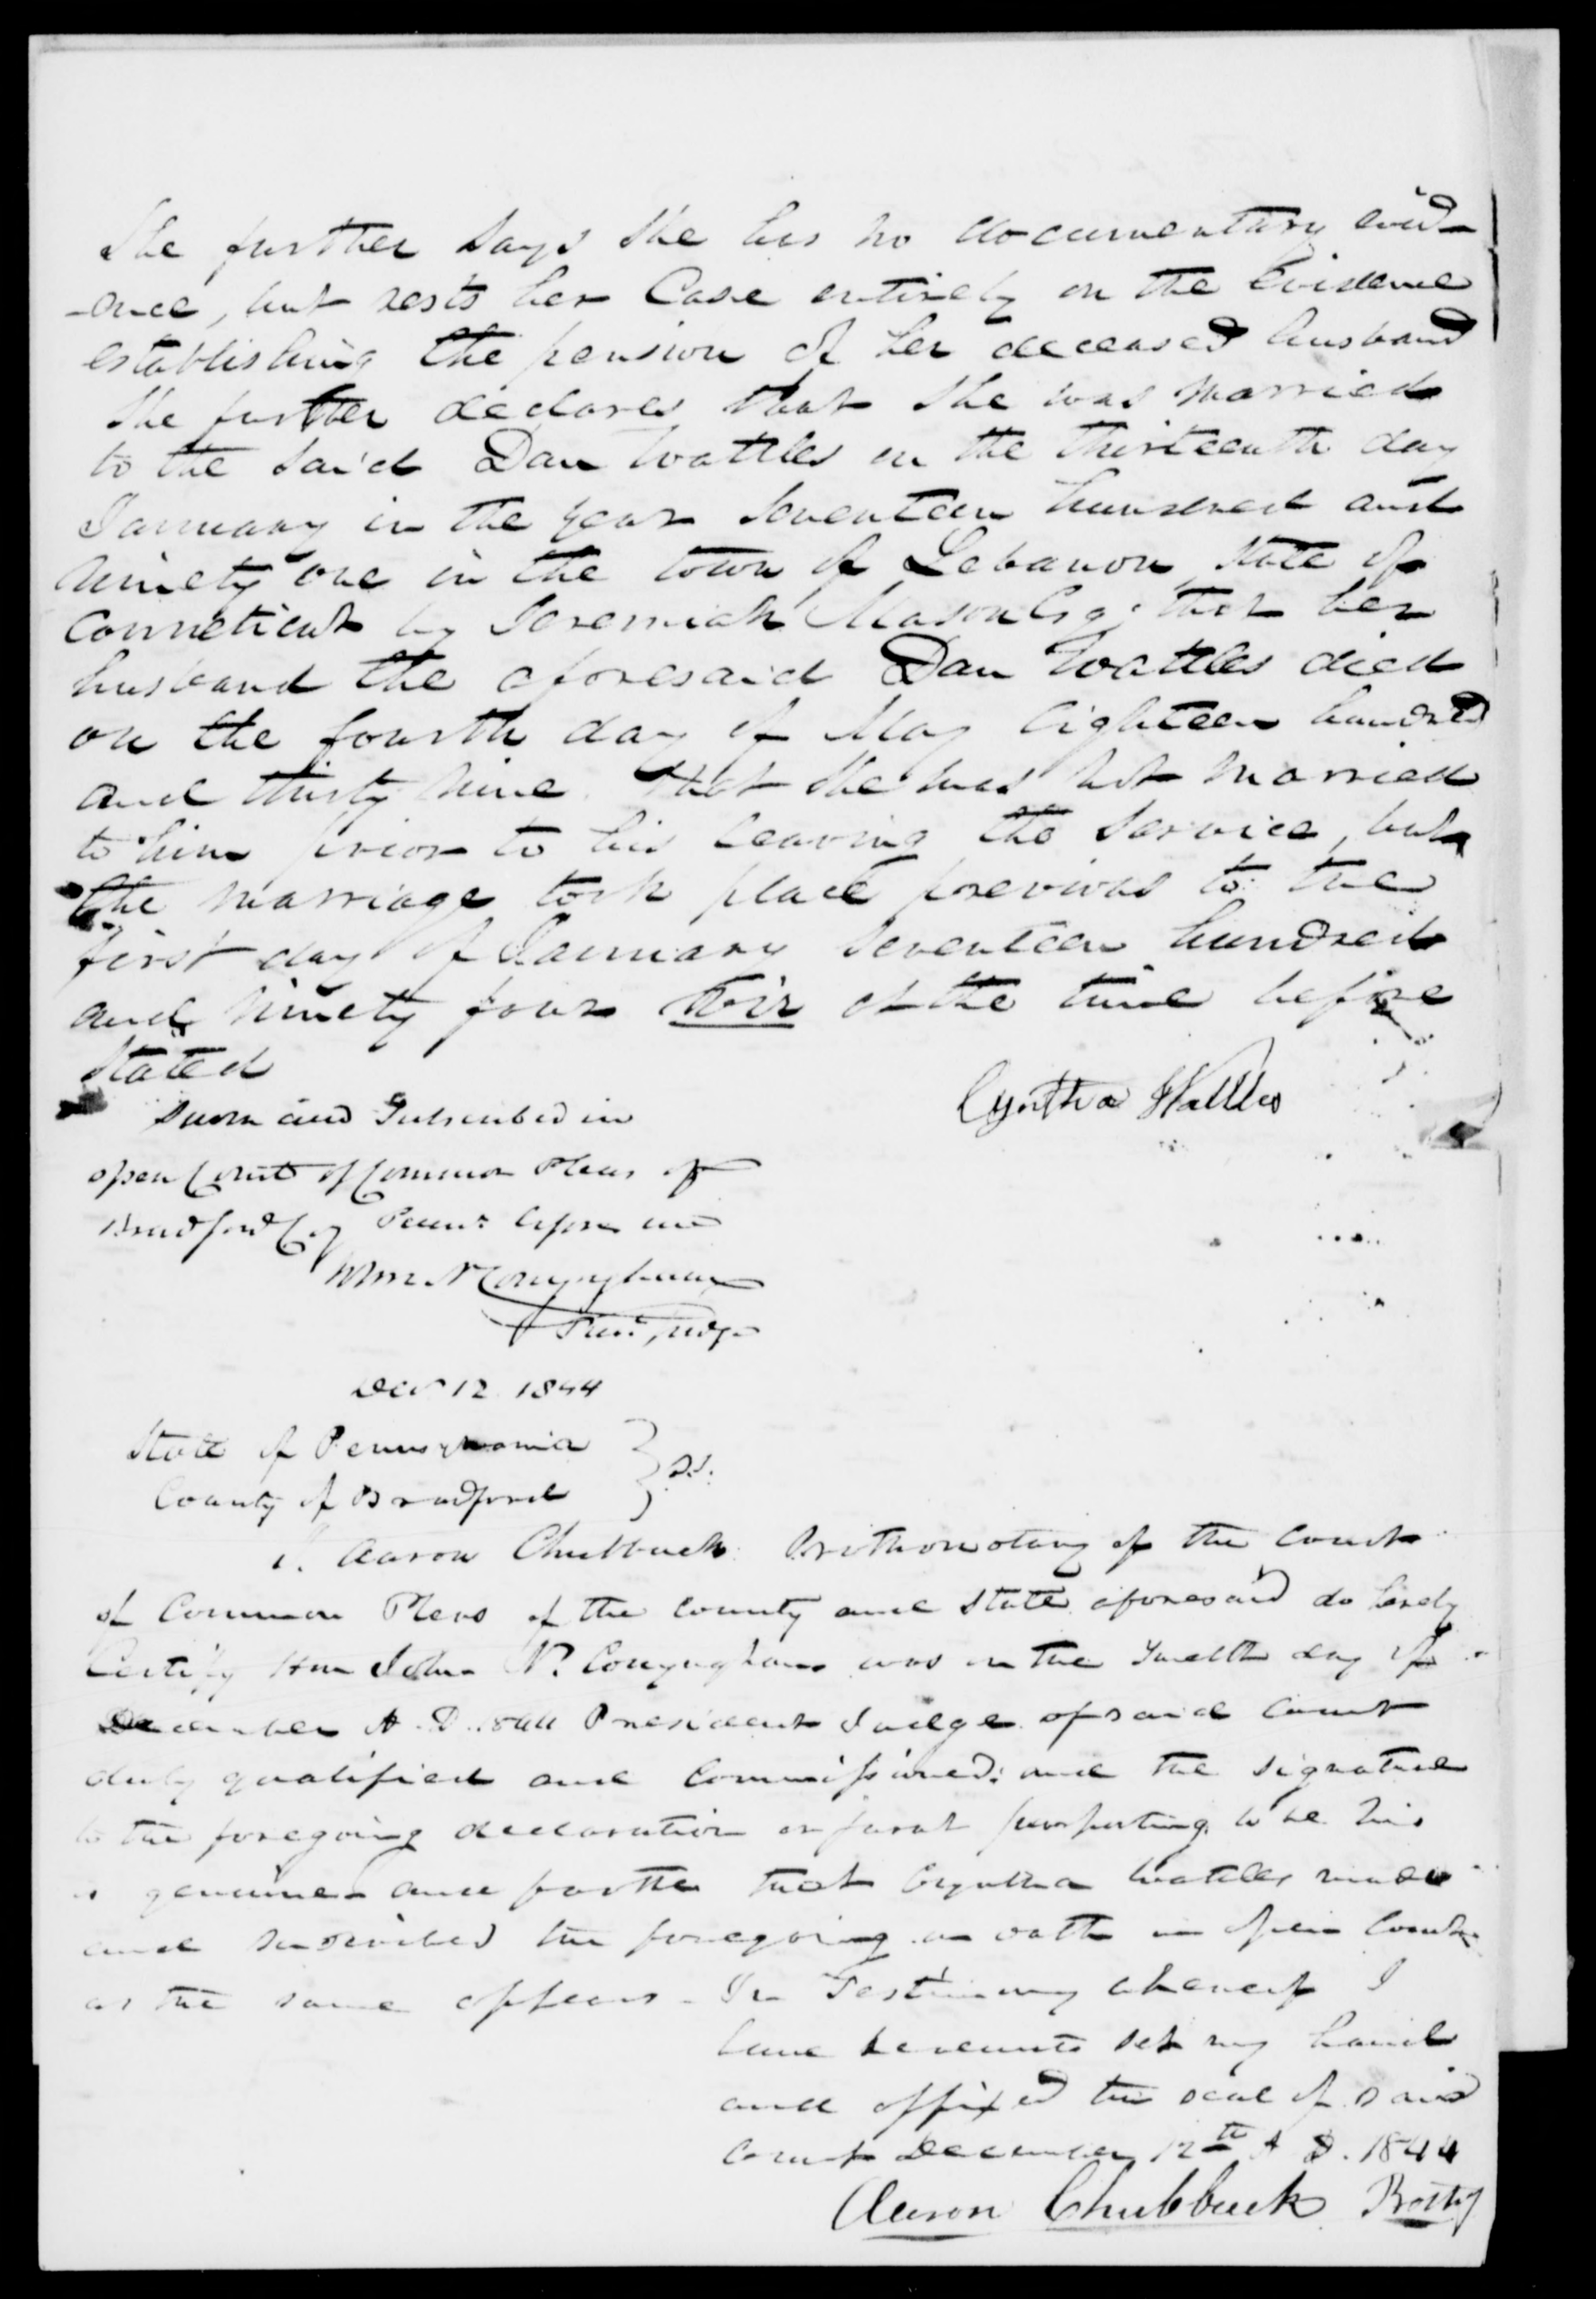she further says she has no documentary evidence, but rests her case entirely on the evidence establishing the pension of her deceased husband She further declares that she was married to the said Dan Wattles on the thirteenth day January in the year Seventeen hundred and ninety one in the town of Lebanon State of Connecticut by Jeremiah Mason Esq that her husband the aforesaid Dan Wattles died on the fourth day of May Eighteen hundred and thirty nine that she has not married to him prior to his leaving the service, but the marriage took place previous to the first day of January Seventeen hundred and ninety four [illegible] of the time before stated
Cyntha Wattles

sworn and Subscribed in open Court of Common Pleas of Bradford of  Penn before me
Wm [illegible]
[illegible] Judge

Dec 12 1844
State of Pennsylvania }
County of Bradford } S.S.
I Aaron Chubbuck Prothonotary of the Court of Common Pleas of the County and State aforesaid do hereby certify that John N. Conyngham was on the Twelth day of December A.D. 1844 President Judge of said Court duly qualified and commissioned and the signature to the foregoing declaration or [illegible] purporting to be his is genuine and further that Cyntha Wattles made and subscribed the foregoing on oath in open Court as the same appears. In Testimony whereof I have hereunto set my hand and affixed the seal of said Court December 12th A.D. 1844
Aaron Chubbuck Notary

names: Cyntha Wattles, Dan Wattles, John N Conyngham, Jeremiah Mason, Aaron Chubbuck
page: 61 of 70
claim: widow's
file: W. 3743, Dan Wattles, Conn.